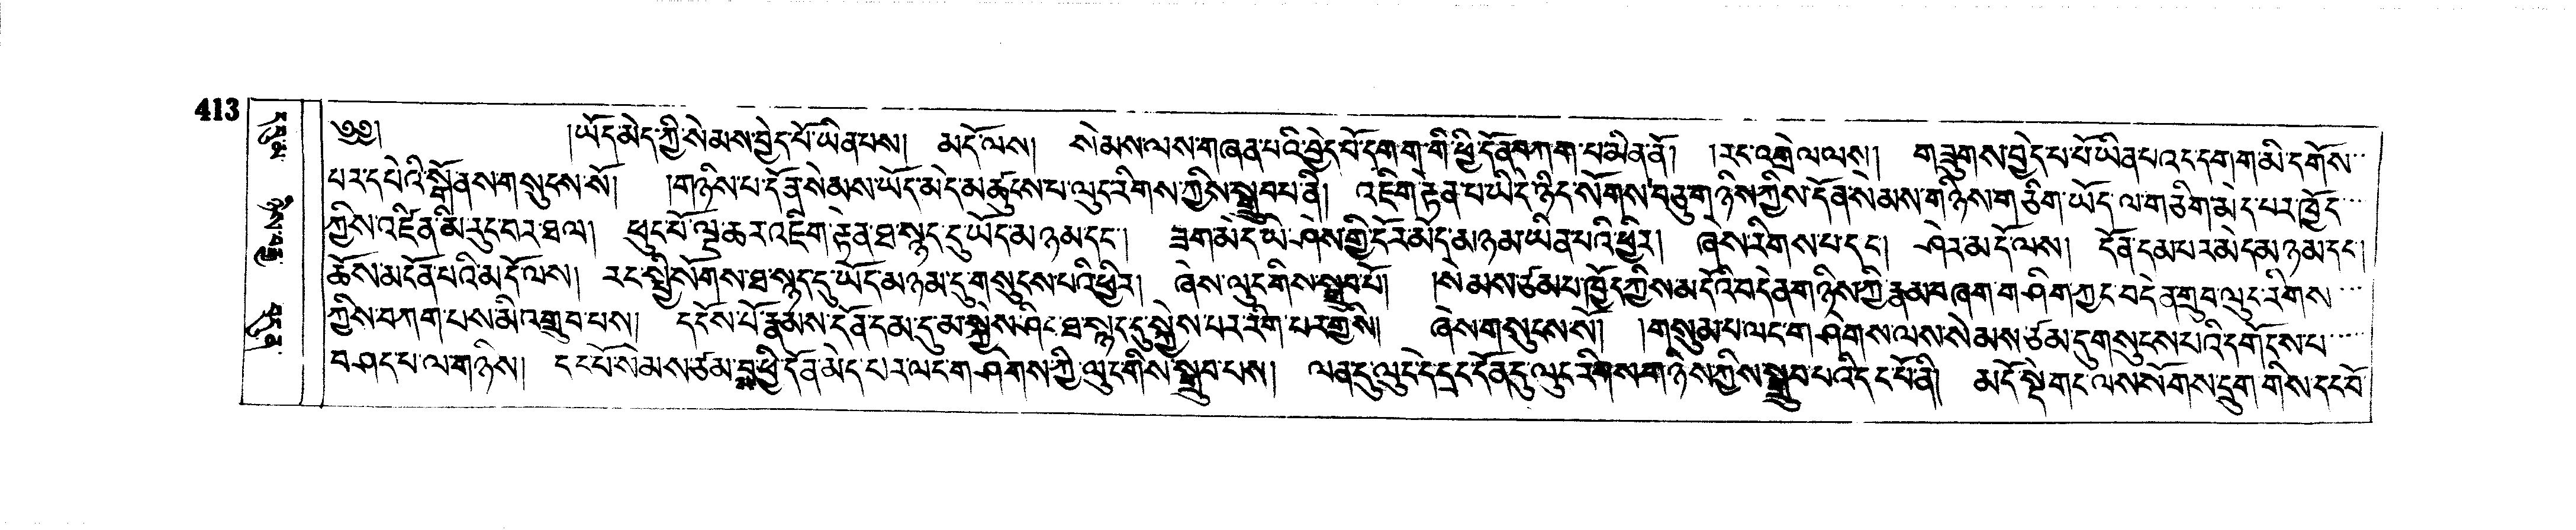༄༅། །ཡོད་མེད་ཀྱི་སེམས་བྱེད་པོ་ཡིན་པས། མདོ་ལས། སེམས་ལས་གཞན་པའི་བྱེད་པོ་དགག་གི་ཕྱི་དོན་བཀག་པ་མིན་ནོ། །རང་འགྲེལ་ལས། གཟུགས་བྱེད་པ་པོ་ཡིན་པའང་དགག་མི་དགོས་
པར་དཔེའི་སྒོ་ནས་གསུངས་སོ། །གཉིས་པ་དོན་སེམས་ཡོད་མེད་མཚུངས་པ་ལུང་རིགས་ཀྱིས་སྒྲུབ་པ་ནི། འཇིག་རྟེན་པ་ཡི་དེ་ཉིད་སོགས་བཅུ་གཉིས་ཀྱིས་དོན་སེམས་གཉིས་གཅིག་ཡོད་ལ་གཅིག་མེད་པར་ཁྱོད་
ཀྱིས་འཛིན་མི་རུང་བར་ཐལ། ཕུང་པོ་ལྔ་ཆར་འཇིག་རྟེན་ཐ་སྙད་དུ་ཡོད་མཉམ་དང་། ཟག་མེད་ཡེ་ཤེས་གྱི་དོར་མེད་མཉམ་ཡིན་པའི་ཕྱིར། ཞེས་རིགས་པ་དང་། ཤེར་མདོ་ལས། དོན་དམ་པར་མེད་མཉམ་དང་།
ཆོས་མངོན་པའི་མདོ་ལས། རང་སྤྱི་སོགས་ཐ་སྙད་དུ་ཡོད་མཉམ་དུ་གསུངས་པའི་ཕྱིར། ཞེས་ལུང་གིས་སྒྲུབ་པོ། །སེམས་ཙམ་པ་ཁྱོད་ཀྱིས་མདོའི་བདེན་གཉིས་ཀྱི་རྣམ་བཞག་གཤིག་ཀྱང་བདེན་གྲུབ་ལུང་རིགས་
ཀྱིས་བཀག་པས་མི་འགྲུབ་པས། དངོས་པོ་རྣམས་དོན་དམ་དུ་མ་སྐྱེས་ཤིང་ཐ་སྙད་དུ་སྐྱེས་པར་རིག་པར་གྱིས། ཞེས་གསུངས་སོ། །གསུམ་པ་ལང་གཤེགས་ལས་སེམས་ཙམ་དུ་གསུངས་པའི་དགོངས་པ་
བཤད་པ་ལ་གཉིས། དང་པོ་སེམས་ཙམ་བས་ཕྱི་དོན་མེད་པར་ལང་གཤེགས་ཀྱི་ལུང་གིས་སྒྲུབ་པས། ལན་དུ་ལུང་དེ་དྲང་དོན་དུ་ལུང་རིགས་གཉིས་ཀྱིས་སྒྲུབ་པའི་དང་པོ་ནི། མདོ་སྡེ་གང་ལས་སོགས་དྲུག་གིས་དང་བོ་